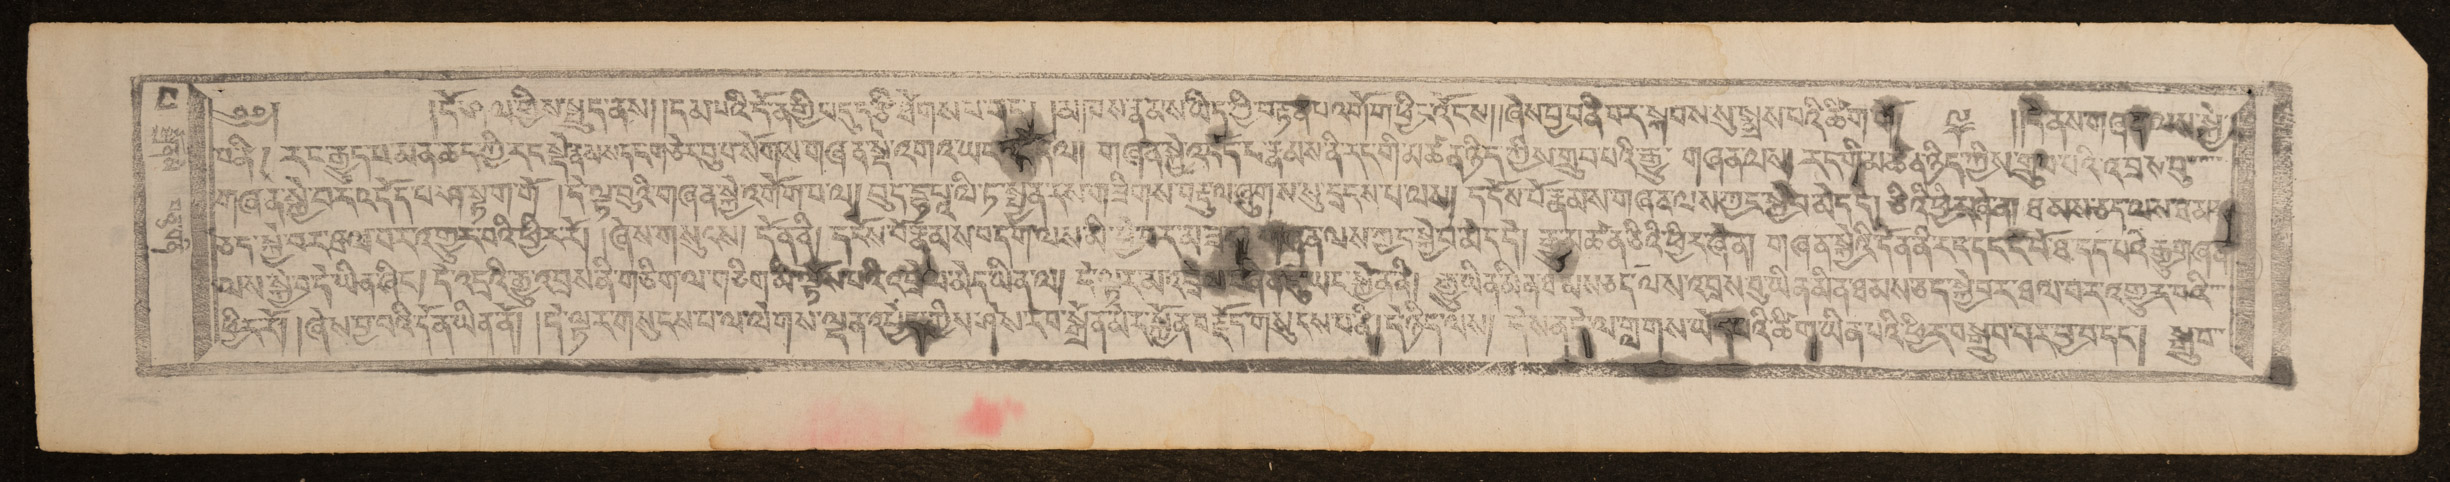༄༅། །དོ་ཤལ་གྱིས་སྤུད་ནས། །དམ་པའི་དོན་གྱི་བདུད་རྩི་ཐོགས་པ་གང་། །མཁས་རྣམས་ཡིད་ཀྱི་བརྟན་པ་འགོག་ཕྱིར་འོངས། །ཞེས་བྱ་བ་ནི་བར་སྐབས་སུ་སྨྲས་པའི་ཚིག་གོ ། ༈ །།དེ་ནས་གཞན་ལས་སྐྱེ་
བ་ནི། རང་རྒྱུད་པ་མན་ཆད་ཀྱི་རང་སྡེ་རྣམས་དང་གཅེར་བུ་པ་སོགས་གཞན་སྡེ་འགའ་ཡང་འདོད་ལ། གཞན་སྐྱེ་འདོད་པ་རྣམས་ནི་རང་གི་མཚན་ཉིད་ཀྱིས་གྲུབ་པའི་རྒྱུད་གཞན་ལས། རང་གི་མཚན་ཉིད་ཀྱིས་གྲུབ་པའི་འབྲས་བུ་
གཞན་སྐྱེ་བར་འདོད་པ་ཤ་སྟག་གོ །དེ་ལྟ་བུའི་གཞན་སྐྱེ་འགོག་པ་ལ། བུདྡྷ་པཱ་ལི་ཏ་སྤྱན་རས་གཟིགས་བརྟུལ་ཞུགས་སུ་དྲངས་པ་ལས། དངོས་པོ་རྣམས་གཞན་ལས་ཀྱང་སྐྱེ་བ་མེད་དེ། ཅིའི་ཕྱིར་ཞེ་ན། ཐམས་ཅད་ལས་ཐམས་
ཅད་སྐྱེ་བར་ཐལ་བར་འགྱུར་བའི་ཕྱིར་རོ། །ཞེས་གསུངས། དོན་ནི། དངོས་པོ་རྣམས་བདག་ལས་མི་སྐྱེ་བར་མ་ཟད། གཞན་ལས་ཀྱང་སྐྱེ་བ་མེད་དེ། རྒྱུ་མཚན་ཅིའི་ཕྱིར་ཞེ་ན། གཞན་སྐྱེའི་དོན་ནི་རང་དང་ངོ་བོ་ཐ་དད་པའི་རྒྱུ་གཞན་
ལས་སྐྱེ་བ་དེ་ཡིན་ཞིང་། དེ་འདྲའི་རྒྱུ་འབྲས་ནི་གཅིག་ལ་གཅིག་མི་ལྟོས་པའི་འབྲེལ་མེད་ཡིན་ལ། དེ་ལྟར་མ་འབྲེལ་བཞིན་དུ་ཡང་སྐྱེ་ན་ནི། རྒྱུ་ཡིན་མིན་ཐམས་ཅད་ལས་འབྲས་བུ་ཡིན་མིན་ཐམས་ཅད་སྐྱེ་བར་ཐལ་བར་འགྱུར་བའི་
ཕྱིར་རོ། །ཞེས་བྱ་བའི་དོན་ཡིན་ནོ། །དེ་ལྟར་གསུངས་པ་ལ་ལེགས་ལྡན་འབྱེད་ཀྱིས་ཤེས་རབ་སྒྲོན་མར་སྐྱོན་བརྗོད་གསུངས་པ་ནི། དེ་ཉིད་ལས། དེས་ན་དེ་ལ་གླགས་ཡོད་པའི་ཚིག་ཡིན་པའི་ཕྱིར་བསྒྲུབ་པར་བྱ་བ་དང་། སྒྲུབ་